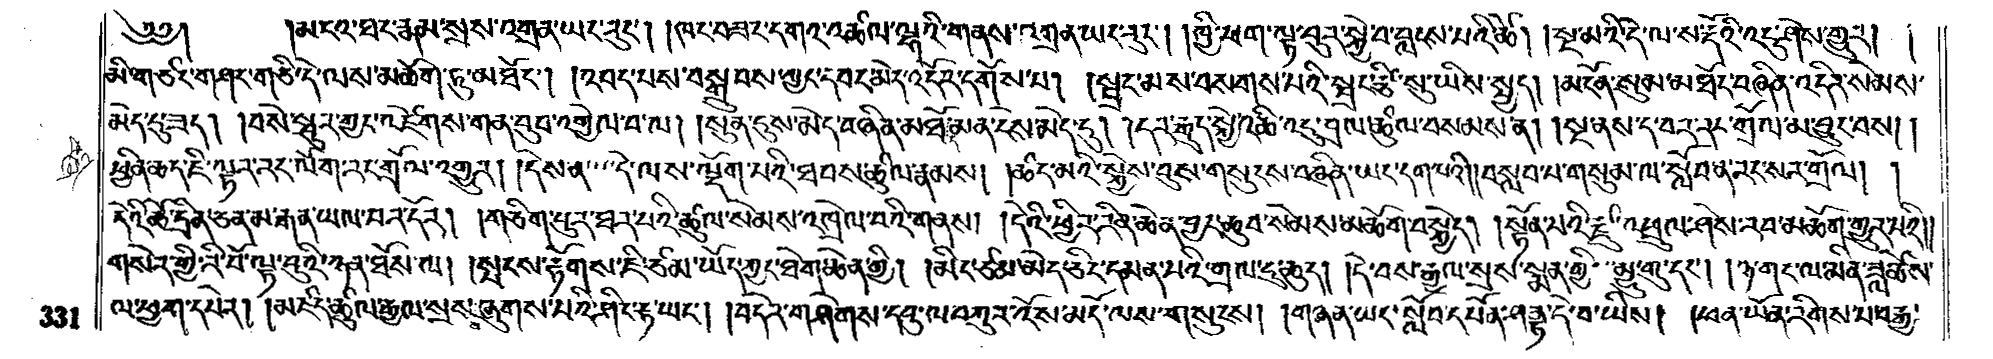༄༅། །མངའ་ཐང་རྣམ་སྲས་འགྲན་ཡང་རུང་། །ཁང་བཟང་དགའ་འཚལ་ལྷའི་གནས་འགྲན་ཡང་རུང་། །ཁྱི་ཕག་ལྟ་བུར་སྐྱེ་བ་བླངས་པའི་ཚེ། །སྔ་མའི་དེ་ལ་ས་རྡོའི་འདུ་ཤེས་གྱུར། །
མི་གཙང་གཤང་གཅི་དེ་ལས་མཆོག་ཏུ་མཐོང་། །འབད་པས་བསྒྲུབས་ཀྱང་དབང་མེད་འདོར་དགོས་པ། །སྦྲང་མས་བསགས་པའི་སྦྲང་རྩི་སུ་ཡིས་སྤྱད། །མངོན་སུམ་མཐོང་བཞིན་འདིར་སེམས་
མེད་དུ་ཟད། །བསེ་སྦུར་གྱང་འཛེགས་གན་བུབ་འགྱེལ་བ་ལ། །སུན་དུས་མེད་བཞིན་མཐོང་མན་ངེས་མེད་དུ། །དར་རྒུད་སྐྱེ་འཆི་འདུ་བྲལ་ཚུལ་བསམས་ན། །སྔ་ནས་ད་བར་རང་གྲོལ་མ་བྱུང་བས།།
ཕྱིན་ཆད་ཇི་ལྟར་རང་ལོག་རང་གྲོལ་འགྱུར། །དེས་ན་དེ་ལས་ལྡོག་པའི་ཐབས་ཚུལ་རྣམས། །ཚད་མའི་སྐྱེས་བུས་གསུངས་བཞིན་ཡང་དག་པའི། །བསླབ་པ་གསུམ་ལ་སློབ་ན་རང་སར་གྲོལ། །
དེའི་ཚེ་དྲིན་ཅན་མ་རྒན་ཡལ་བར་དོར། །གཅིག་པུར་ཐར་པའི་ཚུལ་སེམས་འཁྲེལ་བའི་གནས། །དེའི་ཕྱིར་རིན་ཆེན་བྱང་ཆུབ་སེམས་མཆོག་བསྐྱེད། །སྟོན་པའི་རྫུ་འཕྲུལ་ཤེས་རབ་མཆོག་གྱུར་པའི།།
གསེར་གྱི་རི་བོ་ལྟ་བུའི་ཉན་ཐོས་ལ། །སྤངས་རྟོགས་ཇི་ཙམ་ཡོད་ཀྱང་ཐེག་ཆེན་གྱི། །མིང་ཙམ་མེད་ཅིང་དམན་པའི་གྲལ་དུ་ཆུད། །དེ་བས་རྒྱལ་སྲས་སྨན་གྱི་མྱུ་གུ་དང་། །ཉ་གང་ལ་མིན་ཟླ་ཚེས་
ལ་ཕྱག་དཔེར། །མཛད་ཚུལ་རྒྱལ་སྲས་ཞུགས་པའི་ཤིང་རྟ་ཡང་། །བདེར་གཤེགས་དབུ་ལ་བཀུར་འོས་མདོ་ལས་གསུངས། །གཞན་ཡང་སློབ་དཔོན་ཤནྟ་དེ་བ་ཡིས། །ཕན་ཡོན་རིགས་པ་བརྒྱ་